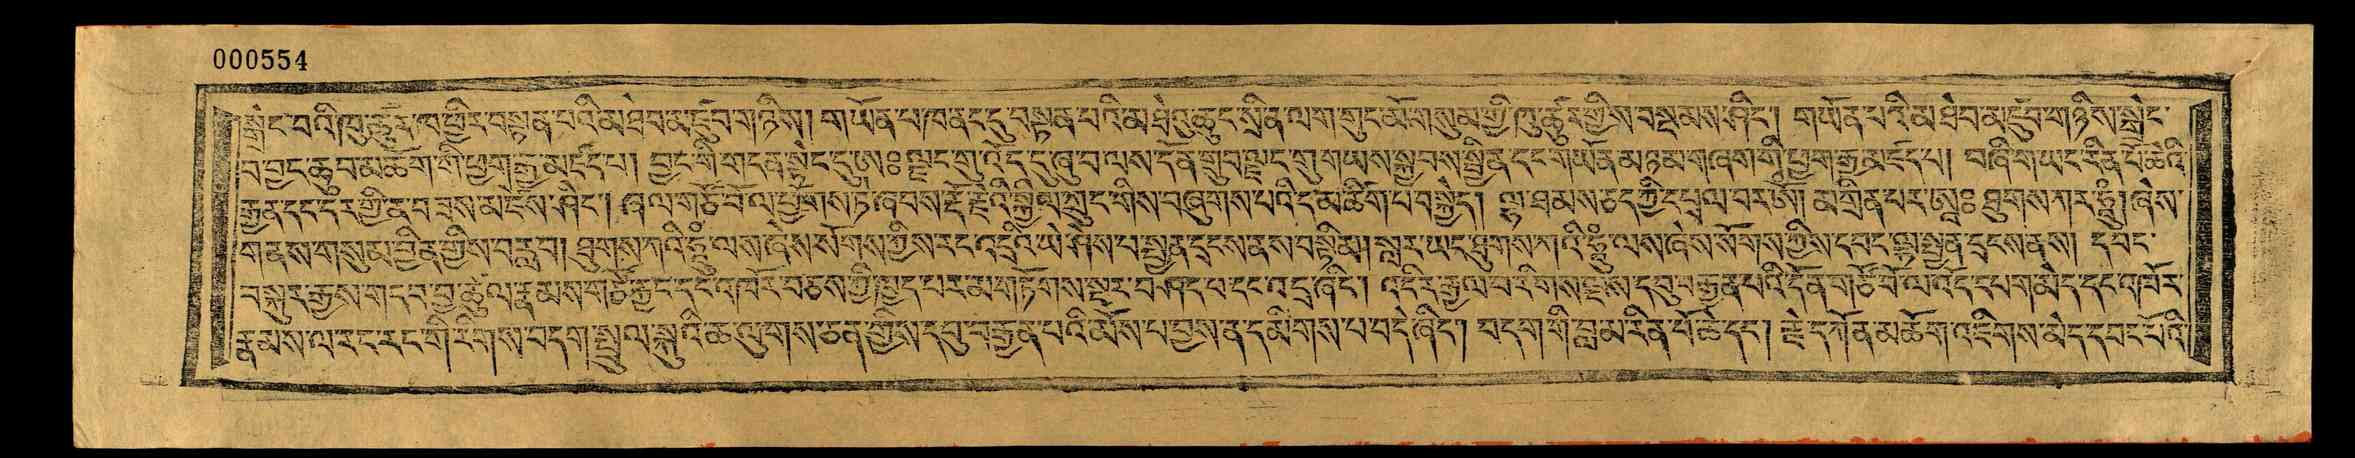སྒྲེང་བའི་ཁུ་ཚུར་ཁ་ཕྱིར་བསྟན་པའི་མཐེབ་མཛུབ་གཉིས། གཡོན་པ་ཁ་ནང་དུ་བསྟན་པ་ཉི་མཐེའུ་ཆུང་སྲིན་ལག་གུང་མོ་གསུམ་གྱི་ཁུ་ཚུར་གྱིས་བསྡམས་ཤིང་། གཡོན་པའི་མཐེབ་མཛུབ་གཉིས་སྒྲེང་
བ་བྱང་ཆུབ་མཆོག་གི་ཕྱག་རྒྱ་མཛད་པ། བྱང་གི་གདན་སྟེང་དུ་ཨཿ ལྗང་གུ་འོད་དུ་ཞུ་བ་ལས་དོན་གྲུབ་ལྗང་གུ་གཡས་སྐྱབས་སྦྱིན་དང་གཡོན་མཉམ་གཞག་གི་ཕྱག་རྒྱ་མཛད་པ། བཞི་གཡང་རིན་པོ་ཆེའི་
རྒྱན་དང་དར་གྱི་ན་བཟས་མཛེས་ཤིང་། ཞལ་གཙོ་བོ་ལ་ཕྱོགས་ཏེ་ཞབས་རྡོ་རྗེའི་སྐྱིལ་ཀྲུང་གིས་བཞུགས་པའི་དམ་ཚིག་པ་བསྐྱེད། ལྷ་ཐམས་ཅད་ཀྱི་དཔྲལ་བར་ཨོཾ། མགྲིན་པར་ཨཱཿ ཐུགས་ཀར་ཧཱུཾ། ཞེས་
གནས་གསུམ་བྱིན་གྱིས་བརླབ། ཐུགས་ཀའི་ཧཱུཾ་ལས་ཞེས་སོགས་ཀྱིས་རང་འདྲའི་ཡེ་ཤེས་པ་སྤྱན་དྲངས་ནས་བསྟིམ། སླར་ཡང་ཐུགས་ཀའི་ཧཱུཾ་ལས་ཞེས་སོགས་ཀྱིས་དབང་ལྷ་སྤྱན་དྲངས་ནས། དབང་
བསྐུར་རྒྱས་གདབ་བྱ་ཚུལ་རྣམས་གཙོ་རྐྱང་དང་འཁོར་བཅས་ཀྱི་ཁྱད་པར་མ་གཏོགས་སྔར་བཤད་པ་དང་འདྲ་ཞིང་། འདིར་རྒྱལ་བ་རིགས་ལྔས་དབུ་བརྒྱན་པའི་དོན་གཙོ་བོ་ལ་འོད་དཔག་མེད་དང་འཁོར་
རྣམས་ལ་རང་རང་གི་རིགས་བདག་སྤྲུལ་སྐུའི་ཆ་ལུགས་ཅན་གྱིས་དབུ་བརྒྱན་པའི་མོས་པ་བྱས་ན་དམིགས་པ་བདེ་ཞིང་། བདག་གི་བླ་མ་རིན་པོ་ཆེ་དང་། རྗེ་དཀོན་མཆོག་འཇིགས་མེད་དབང་པོའི་